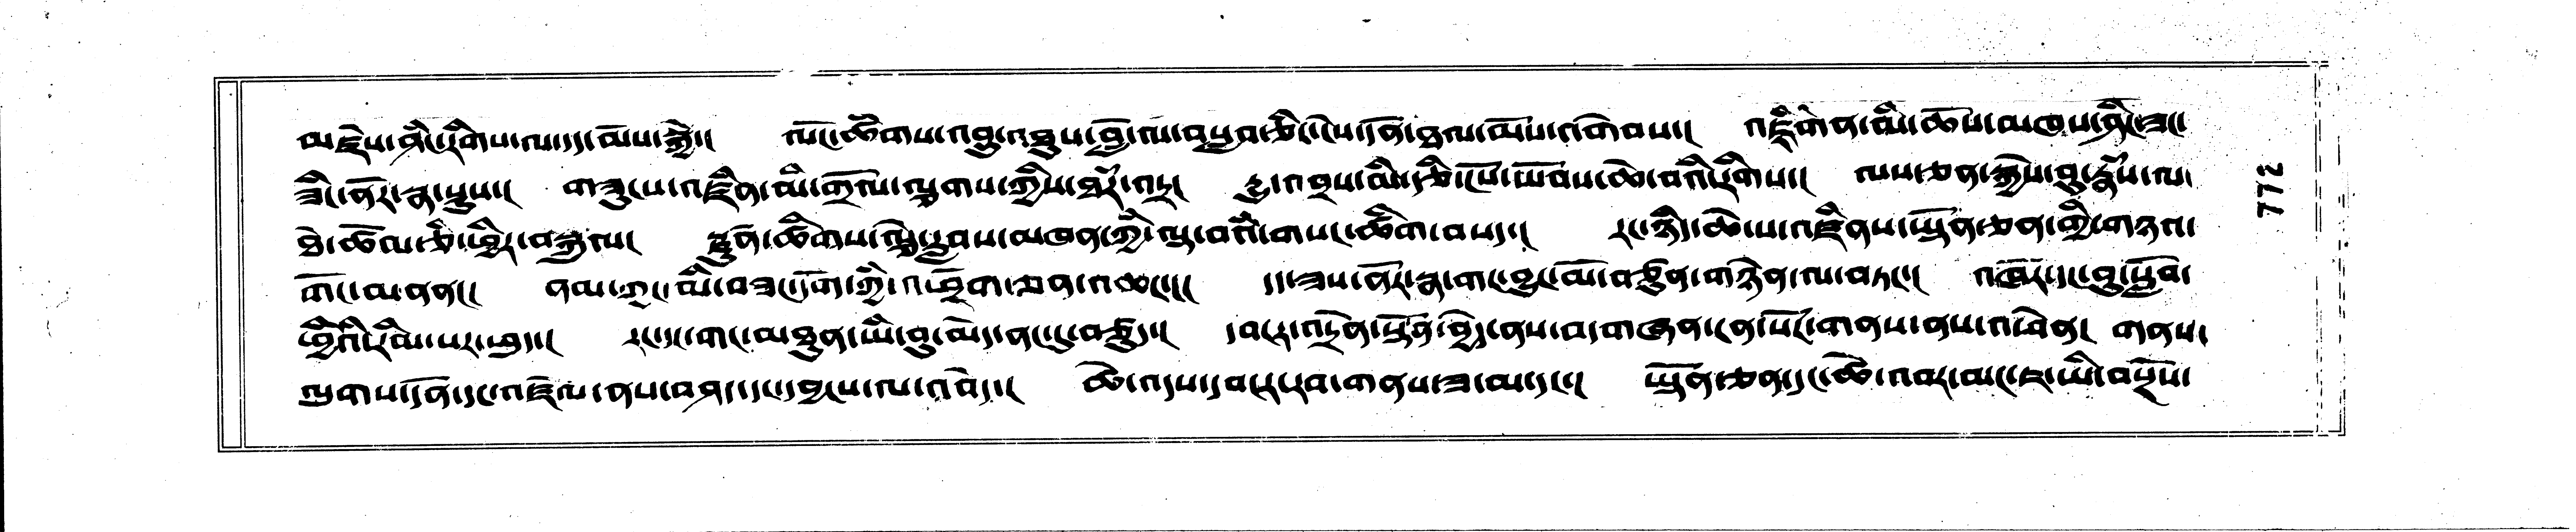ལ་མཛེས་པའི་རིགས་ལ་དད་མོས་སྐྱེ། ལུང་ཚིག་འབྲུ་འཐུས་བློ་ལ་བསླབས་ཅིང་ངེས་དོན་ཐལ་མོས་འགེབས། འཇིག་རྟེན་མི་ཆོས་མཁས་ཤིང་ཟང་
ཟིང་ནོར་སྣ་སྡུས། གཟུང་འཛིན་མི་གྲོལ་ལྕགས་ཀྱིས་ཐ་རམས་འདྲ། རྒྱུ་འབྲས་མི་རྩི་ངོས་ཡོབས་༼སྤོབས༽ཆེ་བའི་རིགས། ལས་ཅན་སྐྱེས་བུ་རྣམས་ལ་
ཐེ་ཚོམ་ཅི་ཕྱིར་བསྐུལ། རྫུན་ཚིག་ལྕེ་རླབས་མཁན་གྱིས་ལྟ་བའི་གསང་ཚིག་བསད། རང་ཉིད་ཆེ་ས་འཛིན་ནས་ཡོན་ཏན་ཅན་གྱི་གཉའ་
གོང་མནན། ནམ་ཀྱང་༼ཡང༽མི་བཟང་དོག་ཀྱི་འཕྲོག་ཅན་འཆང། དད་ཟས་ནོར་སྣ་གང་བྱུང་མོ་བཙུན་གཉེན་ལ་གཏོང་། འཁོར་དང་བུ་སློབ་
ཕྱིའི་རིམ་པར་ཕུད། རང་དང་གང་མཐུན་ཡི་བུད་མེད་ནང་དུ་བཙུད། དབང་སྐུར་འདྲེན་སྟོན་བྱེད་ནས་བདག་གཞན་ངན་སོང་གནས་ན་འཕེན། གནས་
ལུགས་དོན་དང་འཛོལ་ནས་བཤད་དང་དབྱངས་ལ་འབད། ཚེ་འདས་དབང་བསྐུར་རབ་གནས་ཟ་མ་དང་། ཡོན་ཏན་ཅན་དང་ཚེ་འབར་མང་ཇ་ཡི་བསྔོ་